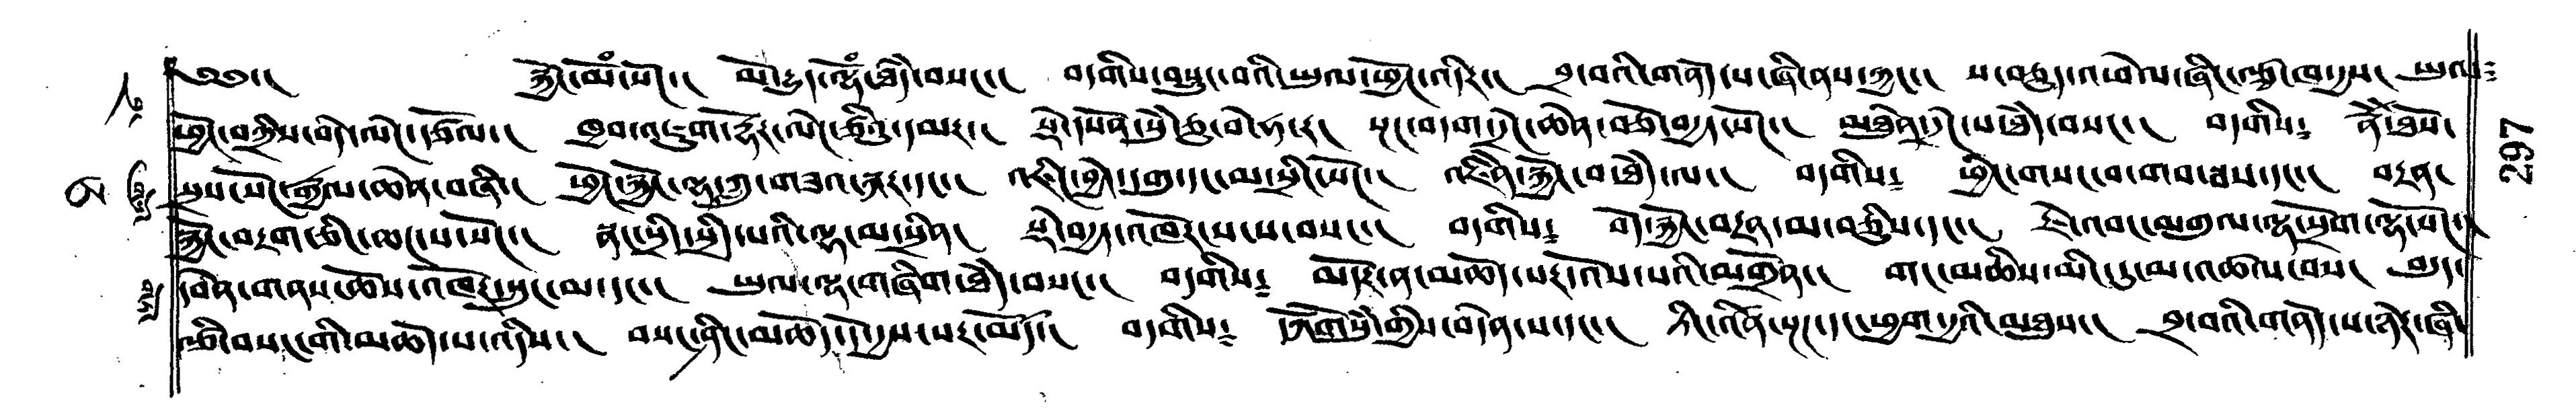སྐྱོང་མ་མོ་སོགས། །མོ་རྒྱུད་ལྷ་མོ་ཐམས་ཅད་བསང་། །བདག་གིས་སྲུང་བའི་ཡུལ་ཕྱོགས་འདིར། །བྲ་བའི་གནོད་པ་ཞི་ནས་ཀྱང་། །ས་བཅུད་འཕེལ་ཞིང་རྩྭ་ཁ་རྒྱས། །ཡུལ་
ཕྱོགས་བཀྲ་ཤིས་བདེ་ལེགས་སྩོལ། ཁྱབ་འཇུག་རྡོར་ལེགས་ཙིའུ་དམར། །སྡེ་དཔོན་སུམ་ཅུ་པེ་ཧ་ར། །སྔགས་བདག་དྲེགས་ཆེན་བཅོ་བརྒྱད་སོགས། །མཐུ་ཆེན་དྲེགས་པ་ཐམས་ཅད་བསང་། །བདག་གིས༴ རྣམ་ཐོས་
སྲས་སོགས་རྒྱལ་ཆེན་བཞི། །ཕྱོགས་སྐྱོང་ལྷ་ཀླུ་གཟའ་སྐར་དང་། །འཇིགས་བྱེད་དགུ་དང་མ་སྲིང་སོགས། །འཇིག་རྟེན་སྐྱོང་བ་ཐམས་ཅད་ལ། །བདག་གིས༴ ཕྱི་ནང་གསང་བ་གབ་སྦས་དང་། །བསྟན་
སྐྱོང་རྟག་ཅིང་ཆགས་པ་སོགས། །སྣང་ཞིང་སྲིད་པའི་ལྷ་མ་སྲིན། །སྡེ་བརྒྱད་འཁོར་དང་བཅས་པ་བསང་། །བདག་གིས༴ བོད་སྐྱོང་བརྟན་མ་བཅུ་གཉིས་དང་། །རྗེ་འབངས་མགུལ་ལྷ་སྲོག་ལྷ་སོགས། །
དབེན་ནས་ཆོས་འཁོར་སྲུང་མ་དང་། །ཡུལ་ལྷ་གཞི་དག་ཐམས་ཅད་བསང་། །བདག་གིས༴ མདོར་ན་མཆོད་པར་འོས་པའི་མགྲོན། །གང་མཆིས་མིང་དུ་མ་འཚལ་བས། །བདུད་
རྩི་བསང་གི་མཆོད་པ་འདིས། །བསང་ཤིང་མཆོད་དོ་དགྱེས་པར་མཛོད། །བདག་གིས༴ དཀོན་མཆོག་གསུམ་གྱིས་བདེན་པ་དང་། །ཏིང་འཛིན་སྔགས་དང་ཕྱག་རྒྱའི་མཐུས། །བྲ་བའི་གནོད་པ་ཉེར་ཞི་